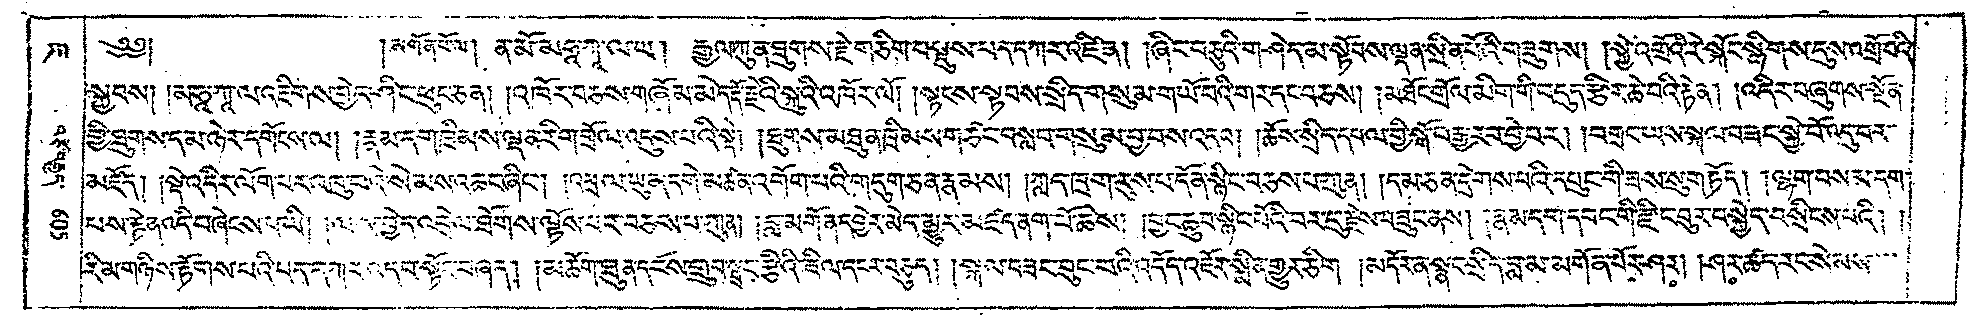༄༅། །མགོན་པོ་ལ། ན་མོ་མཧཱ་ཀཱ་ལ་ཡ། རྒྱལ་ཀུན་ཐུགས་རྗེ་གཅིག་བསྡུས་པད་དཀར་འཛིན། །ཞིང་བཅུའི་གཤེད་མ་སྟོབས་ལྡན་སྲིན་པོའི་གཟུགས། །སྐྱེ་འགྲོའི་རེ་སྐོང་སྙིགས་དུས་འགྲོ་བའི་
སྐྱབས། །མཧཱ་ཀཱ་ལ་འཇིགས་བྱེད་ཤིང་ཕུང་ཅན། །འཁོར་བཅས་གཞོམ་མེད་རྡོ་རྗེའི་སྐུའི་འཁོར་ལོ། །སྟངས་སྟབས་སྲིད་གསུམ་གཡོ་བའི་གར་དང་བཅས། །མཐོང་གྲོལ་མིག་གི་བདུད་རྩིར་ཆེ་བའི་རྟེན། །འདིར་བཞུགས་སྔོན་
གྱི་ཐུགས་དམ་ཉེར་དགོངས་ལ། །རྣམ་དག་ཁྲིམས་ལྡན་རིག་གྲོལ་འདུས་པའི་སྡེ། །ཐུགས་མཐུན་ཁྲིམས་གཙང་བསླབ་གསུམ་བྱ་བས་འདའ། །ཆོས་སྲིད་དཔལ་གྱི་སྒོ་བརྒྱ་རབ་བྱེ་བར། །བགྲང་ཡས་སྐལ་བཟང་སྐྱེ་བོ་འདུ་བར་
མཛོད། །སྡེ་འདིར་ལོག་པར་འཁུ་བའི་སེམས་འཆང་ཞིང་། །འཕྲལ་ཡུན་དགེ་མཚན་འགོག་པའི་གདུག་ཅན་རྣམས། །ཀླད་ཁྲག་རུས་པ་དོན་སྙིང་བཅས་པ་ཀུན། །དམ་ཅན་དྲེགས་པའི་དཔུང་གི་ཟས་སུ་གཏོད། །ལྷག་བསམ་དག་
པས་རྟེན་འདི་བཞེངས་པ་ཡི། །ལས་བྱེད་འབྲེལ་ཐོགས་ལྟོས་པར་བཅས་པ་ཀུན། །བླ་མགོན་དབྱེར་མེད་མྱུར་མཛད་ནག་པོ་ཆེས། །བྱང་ཆུབ་སྙིང་པོའི་བར་དུ་རྗེས་བཟུང་ནས། །རྣམ་དག་དབང་གི་རྫིང་བུར་བསྐྱེད་བསྲིངས་པའི། །
རིམ་གཉིས་རྟོགས་པའི་པད་དཀར་འདབ་སྟོང་བཞད། །མཆོག་ཐུན་དངོས་གྲུབ་སྦྲང་རྩིའི་ཟིལ་དངར་བཅུད། །སྐལ་བཟང་བུང་བའི་འདོད་འཇོར་སྨིན་གྱུར་ཅིག །མདོར་ན་སྣང་སྲིད་བླ་མ་མགོན་པོར་ཤར྾། །ཤར྾་ཚད་རང་སེམས་